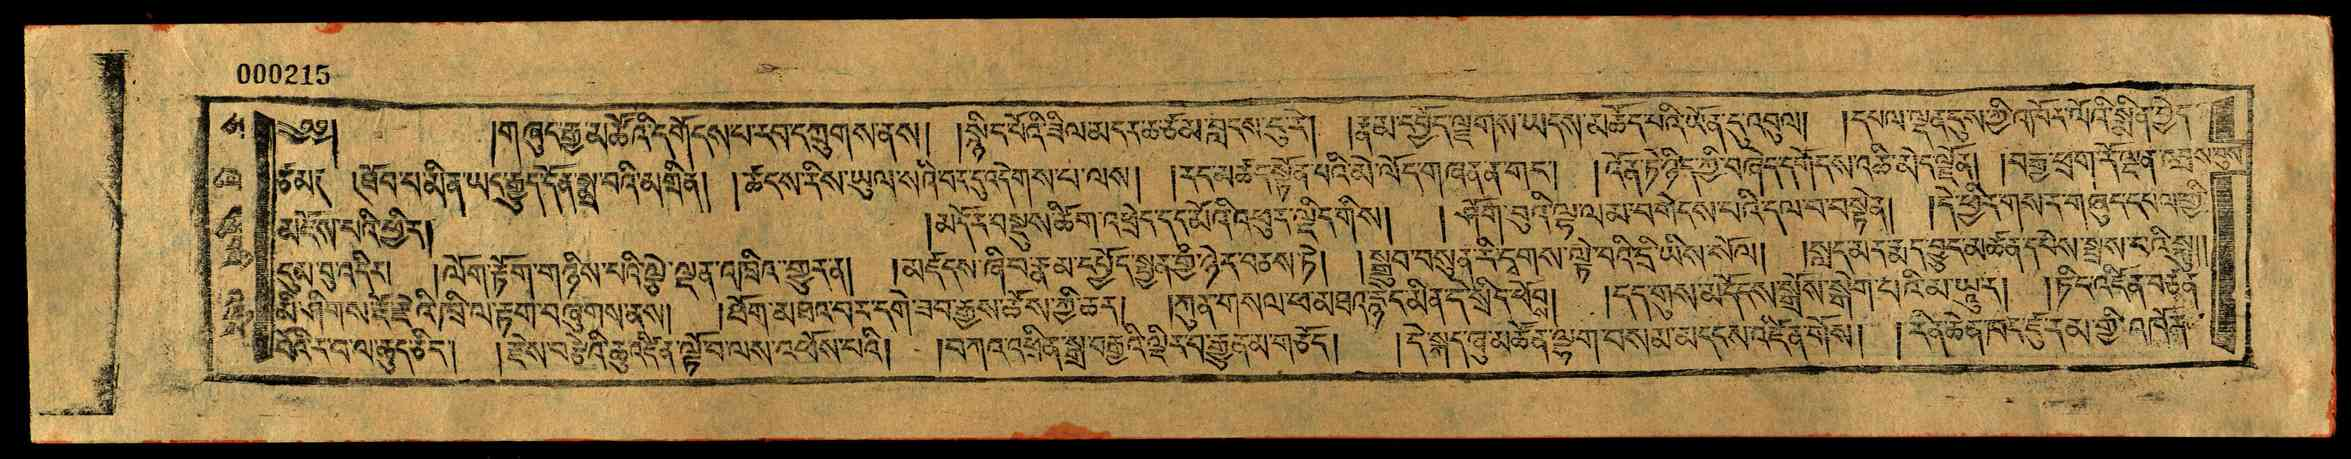༄༅། །གཞུང་རྒྱ་མཚོའི་དགོངས་པ་རབ་དཀྲུགས་ནས། །སྙིང་པོའི་ཟིལ་མངར་ཆ་ཙམ་བླངས་དུ་རེ། །རྣམ་དཔྱོད་ལྗགས་ཡངས་མཆོད་པའི་ཡོན་དུ་འབུལ། །དཔལ་ལྡན་དུས་ཀྱི་འཁོར་ལོའི་སྨིན་བྱེད་
ཙམ༑ ༑ཐོབ་པ་མིན་ཡང་རྒྱུད་དོན་སྨྲ་བའི་མགྲིན། །ཚངས་རིས་ཡུལ་སའི་བར་དུ་འདེགས་པ་ལས། །རང་མཚང་སྟོན་པའི་མེ་ལོང་གཞན་ན་གང་། །འོན་ཏེ་ཉིད་ཀྱི་བཞེད་དགོངས་འཆི་མེད་ལྗོན། །བརྒྱ་ཕྲག་རོ་ལྡན་འབྲས་བུས་
མཛེས་པའི་ཕྱིར། །མདོར་བསྡུས་ཚིག་འཕྲེང་དང་མོའི་འཕུལ་ལྡིང་གིས། །ཤོག་བུའི་ལྷ་ལམ་བགེངས་པའི་ངལ་བ་བསྟེན། །དེ་ཕྱིར་གསར་གཞུང་དཔལ་གྱི་
དུམ་བུ་འདིར། །ལོག་རྟོག་གཉིས་པའི་ལྕེ་ལྡན་འཁྲིལ་གྱུར་ན། །མཛངས་ཞིབ་རྣམ་དཔྱོད་སྤྱན་གྱི་ཉེར་བཙས་ཏེ། །སྒྲུབ་བསུན་རི་དྭགས་ལྟེ་བའི་དྲི་ཡིས་སོལ། །སླད་མར་རྨད་བྱུང་མཚན་དཔེས་སྤྲས་པའི་སྐུ། །
མི་ཤིགས་རྡོ་རྗེའི་ཁྲི་ལ་རྟག་བཞུགས་ནས། །ཐོག་མཐའ་བར་དགེ་ཟབ་རྒྱས་ཆོས་ཀྱི་ཆར། །ཀུན་གསལ་ཕ་མཐའ་རྙེད་མིན་དེ་སྲིད་ཕོབས། །དད་གུས་མདོངས་སྒྲོས་སྒེག་པའི་མ་ཡཱུ་ར། །ཏིང་འཛིན་བཙན་
པོའི་ར་བ་ལ་ཆུད་ཅིང་། །རྗེས་བརྩེའི་ཆུ་འཛིན་ལྟོ་བ་ལས་འཕོས་པའི། །བཀའ་འཕྲིན་སྒྲ་བརྒྱའི་ལྡིར་བ་རྒྱུན་མ་གཅོད། །དེ་སྐད་ཞུ་མཚོན་ལྷག་བསམ་མདངས་འཛིན་གོས། །རིན་ཆེན་ཁང་ཛུ་རམ་གྱི་འཁོར་